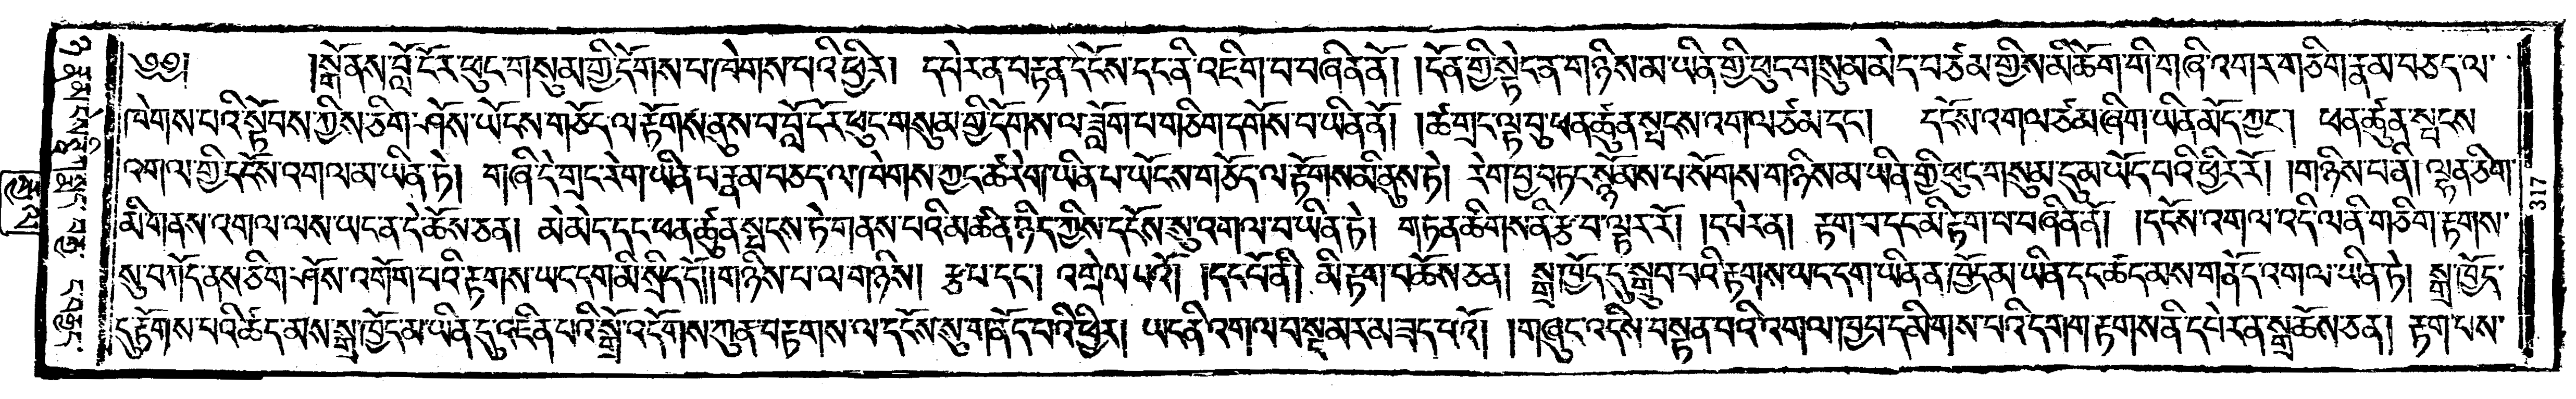༄༅། །སྒོ་ནས་བློ་ངོར་ཕུང་གསུམ་གྱི་དོགས་པ་ཁེགས་པའི་ཕྱིར། དཔེར་ན་བརྟན་དངོས་དང་ནི་འཇིག་བ་བཞིན་ནོ། །དོན་གྱི་སྟེང་ན་གཉིས་མ་ཡིན་གྱི་ཕུང་གསུམ་མེད་པ་ཙམ་གྱིས་མི་ཆོག་གི་གཞི་འགར་གཅིག་རྣམ་བཅད་ལ་
ཁེགས་པའི་སྟོབས་ཀྱིས་ཅིག་ཤོས་ཡོངས་གཅོད་ལ་རྟོགས་ནུས་བ་བློ་ངོར་ཕུང་གསུམ་གྱི་དོགས་ལ་ཟློག་པ་གཅིག་དགོས་པ་ཡིན་ནོ། །ཚ་གྲང་ལྟ་བུ་ཕན་ཚུན་སྤངས་འགལ་ཙམ་དང་། དངོས་འགལ་ཙམ་ཞིག་ཡིན་མོད་ཀྱང་། ཕན་ཚུན་སྤངས་
འགལ་གྱི་དངོས་འགལ་མ་ཡིན་ཏེ། གཞི་དེ་གྲང་རེག་ཡིན་པ་རྣམ་བཅད་ལ་ཁེགས་ཀྱང་ཚ་རེག་ཡིན་པ་ཡོངས་གཅོད་ལ་རྟོགས་མི་ནུས་ཏེ། རེག་བྱ་བཏང་སྙོམས་པ་སོགས་གཉིས་མ་ཡིན་གྱི་ཕུང་གསུམ་དུ་མ་ཡོད་པའི་ཕྱིར་རོ། །གཉིས་པ་ནི། ལྷན་ཅིག་
མི་གནས་འགལ་ལས་ཡང་ན་དེ་ཆོས་ཅན། མེ་མེད་དང་ཕན་ཚུན་སྤངས་ཏེ་གནས་པའི་མཚན་ཉིད་ཀྱིས་དངོས་སུ་འགལ་བ་ཡིན་ཏེ། གཏན་ཚིགས་ནི་རྩ་བ་ལྟར་རོ། །དཔེར་ན། རྟག་བ་དང་མི་རྟག་བ་བཞིན་ནོ། །དངོས་འགལ་འདི་ལ་ནི་གཅིག་རྟགས་
སུ་བཀོད་ནས་ཅིག་ཤོས་འགོག་པའི་རྟགས་ཡང་དག་མི་སྲིད་དོ། །གཉིས་པ་ལ་གཉིས། རྩ་བ་དང་། འགྲེལ་པའོ། །དང་པོ་ནི། མི་རྟག་པ་ཆོས་ཅན། སྒྲ་ཁྱོད་དུ་སྒྲུབ་བའི་རྟགས་ཡང་དག་ཡིན་ན་ཁྱོད་མ་ཡིན་དང་ཚད་མས་གནོད་འགལ་ཡིན་ཏེ། སྒྲ་ཁྱོད་
དུ་རྟོགས་པའི་ཚད་མས་སྒྲ་ཁྱོད་མ་ཡིན་དུ་འཛིན་པའི་སྒྲོ་འདོགས་ཀུན་བརྟགས་ལ་དངོས་སུ་གནོད་པའི་ཕྱིར། ཡང་ནི་འགལ་བ་སྔ་མར་མ་ཟད་པའོ། །གཞུང་འདིས་བསྟན་བའི་འགལ་ཁྱབ་དམིགས་པའི་དགག་རྟགས་ནི་དཔེར་ན་སྒྲ་ཆོས་ཅན། རྟག་པས་